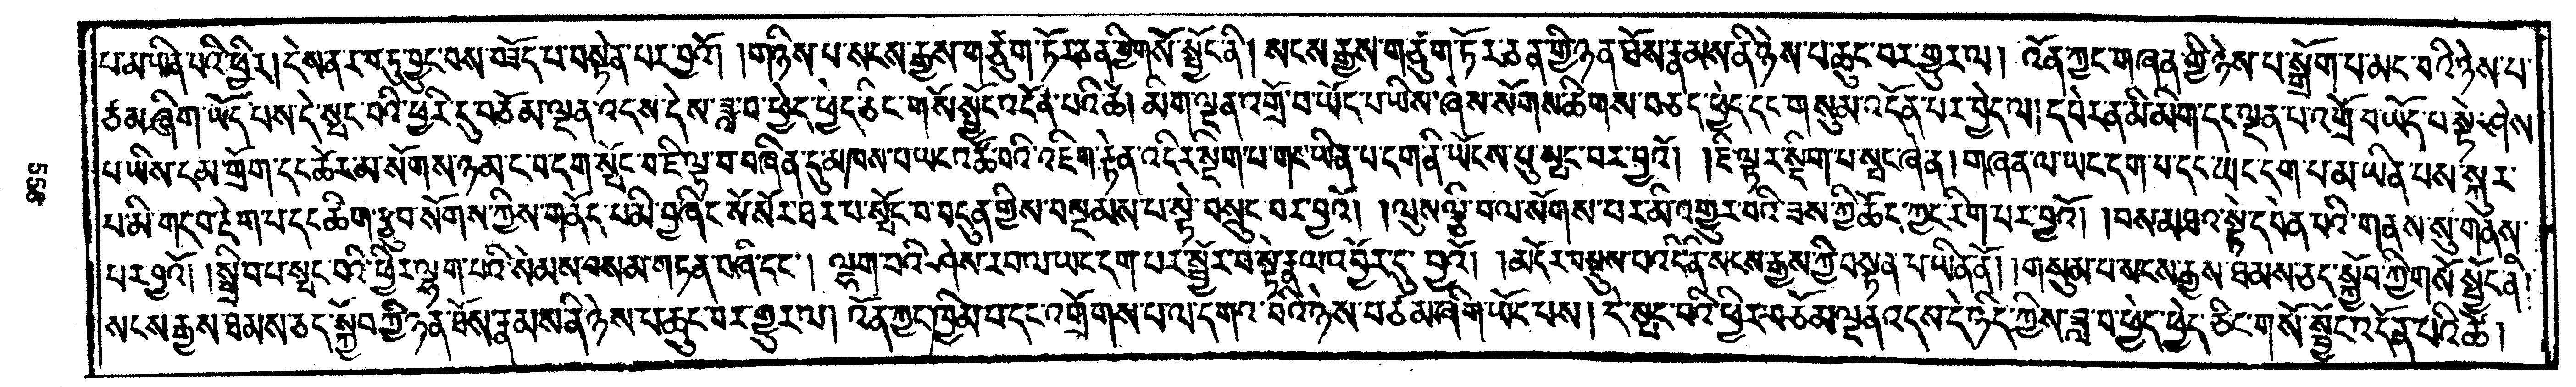པ་མ་ཡིན་པའི་ཕྱིར། དེས་ན་རབ་ཏུ་བྱུང་བས་བཟོད་པ་བསྟེན་པར་བྱའོ། །གཉིས་པ་སངས་རྒྱས་གཙུག་ཏོར་ཅན་གྱི་གསོ་སྤྱོང་ནི། སངས་རྒྱས་གཙུག་ཏོར་ཅན་གྱི་ཉན་ཐོས་རྣམས་ནི་ཉེས་པ་ཆུང་བར་གྱུར་ལ། འོན་ཀྱང་གཞན་གྱི་ཉེས་པ་སྒྲོག་པ་མང་བའི་ཉེས་པ་
ཙམ་ཞིག་ཡོད་པས་དེ་སྤང་བའི་ཕྱིར་དུ་བཅོམ་ལྡན་འདས་དེས་ཟླ་བ་ཕྱེད་ཕྱེད་ཅིང་གསོ་སྤྱོང་འདོན་པའི་ཚེ། མིག་ལྡན་འགྲོ་བ་ཡོད་པ་ཡིས་ཞེས་སོགས་ཆིགས་བཅད་ཕྱེད་དང་གསུམ་འདོན་པར་བྱེད་ལ། དཔེར་ན་མི་མིག་དང་ལྡན་པ་འགྲོ་བ་ཡོད་པ་སྟེ་ཤེས་
པ་ཡིས་དམ་གྲོག་དང་ཚེར་མ་སོགས་ཉམ་ང་བ་དག་སྤོང་བ་ཇི་ལྟ་བ་བཞིན་དུ་མཁས་པ་ཡང་འཚོ་བའི་འཇིག་རྟེན་འདིར་སྡིག་པ་གང་ཡིན་པ་དག་ནི་ཡོངས་སུ་སྤང་བར་བྱའོ། །ཇི་ལྟར་སྡིག་པ་སྤང་ཞེ་ན། གཞན་ལ་ཡང་དག་པ་དང་ཡང་དག་པ་མ་ཡིན་པས་སྐུར་
པ་མི་གདབ་རྡེག་པ་དང་ཚིག་རྩུབ་སོགས་ཀྱིས་གནོད་པ་མི་བྱ་ཞིང་སོ་སོར་ཐར་པ་སྤོང་བ་བདུན་གྱིས་བསྡམས་པ་སྟེ་བསྲུང་བར་བྱའོ། །ལུས་ལྕི་བ་ལ་སོགས་པར་མི་འགྱུར་བའི་ཟས་ཀྱི་ཆོད་ཀྱང་རིག་པར་བྱའོ། །བས་མཐའ་སྟེ་དབེན་པའི་གནས་སུ་གནས་
པར་བྱའོ། །སྒྲིབ་པ་སྤང་བའི་ཕྱིར་ལྷག་པའི་སེམས་བསམ་གཏན་བཞི་དང་། ལྷག་པའི་ཤེས་རབ་ལ་ཡང་དག་པར་སྦྱོར་བ་སྟེ་རྣལ་འབྱོར་དུ་བྱའོ། །མདོར་བསྡུས་པའི་དི་ནི་སངས་རྒྱས་ཀྱི་བསྟན་པ་ཡིན་ནོ། །གསུམ་པ་སངས་རྒྱས་ཐམས་ཅད་སྐྱོབ་ཀྱི་གསོ་སྦྱོང་ནི།
སངས་རྒྱས་ཐམས་ཅད་སྐྱོབ་ཀྱི་ཉན་ཐོས་རྣམས་ནི་ཉེས་པ་ཆུང་བར་གྱུར་ལ། འོན་ཀྱང་ཁྱིམ་པ་དང་འགྲོགས་པ་ལ་དགའ་བའི་ཉེས་པ་ཙམ་ཞིག་ཡོང་པས། དེ་སྤང་པའི་ཕྱིར་བཅོམ་ལྡན་འདས་དེ་ཉིད་ཀྱིས་ཟླ་བ་ཕྱེད་ཕྱེད་ཅིང་གསོ་སྦྱོང་འདོན་པའི་ཚེ།